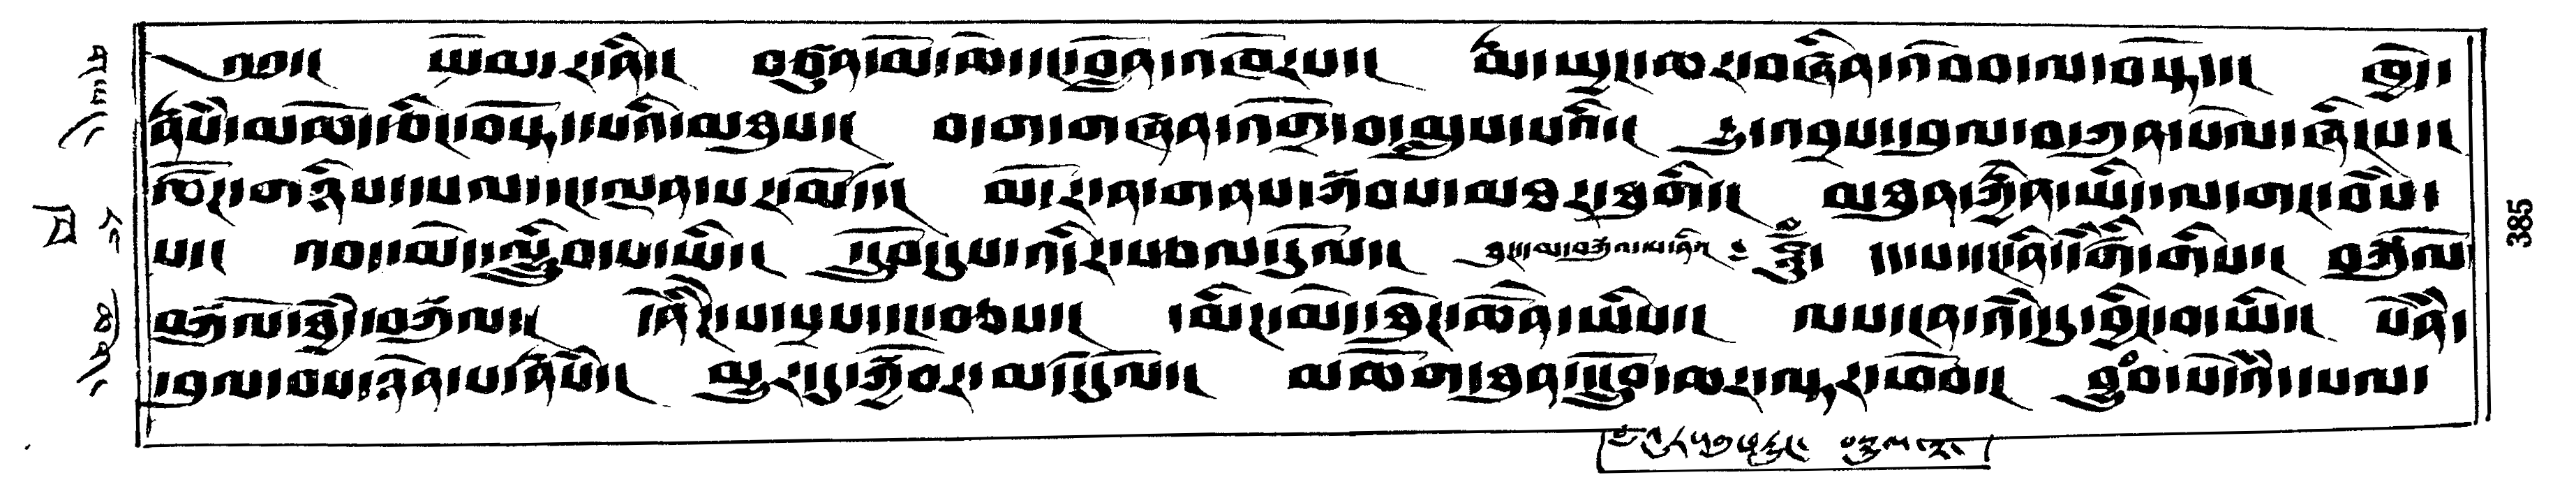སྤོམ་ར་ནི། བཙུན་མོ་ཆེ་དང་བློན་འཁོར་བཅས། །རྨ་གཡང་ཆར་བཞིན་འབེབ་ལ་བསྟོད། །ཁྱེད་
རྣམས་མཆོད་ཅིང་བསྟོད་པའི་མཐུས། །བདག་གཞན་འགྲོ་བ་མ་ལུས་པའི། །རྒྱུ་འབྲས་དབུལ་བ་ཀུན་སེལ་ཞིང་། །
ཚོགས་གཉིས་དཔལ་དང་ལྡན་པར་མཛོད། །མདོར་ན་གནས་སྐབས་མཐར་ཐུག་གི། །མཐུན་རྐྱེན་ཡིད་ལ་གང་བསམ་
པ། །འབད་མེད་ལྷུན་གྱིས་སྒྲུབ་པ་ཡི། །དངོས་གྲུབ་དུས་འདིར་བསྩལ་དུ་གསོལ། །ཐུགས་དམ་བསྐུལ་བ་ནི། ཧཱུྃ། དད་པ་དང་ནི་དམ་ཚིག་གིས། །བསྐུལ་
ལོ་བསྐུལ་ལོ་ཐུགས་དམ་བསྐུལ། དེ་བཞིན་གཤེགས་པ་སྲས་དང་བཅས། །དམིགས་མེད་ཐུགས་རྗེ་ཆེན་པོ་ཡིས། །ལས་ངན་འདམ་དུ་བྱིང་བ་ཡི། །སེམས་ཅན་
དབུལ་བས་ཉེན་པ་རྣམས། །མྱུར་དུ་སྐྱོབ་པར་མཛད་དུ་གསོལ། །མཆོག་ཐུན་དངོས་གྲུབ་ཆར་ལྟར་ཕོབ། །བྱང་ཆུབ་སེམས་མ་དཔལ་